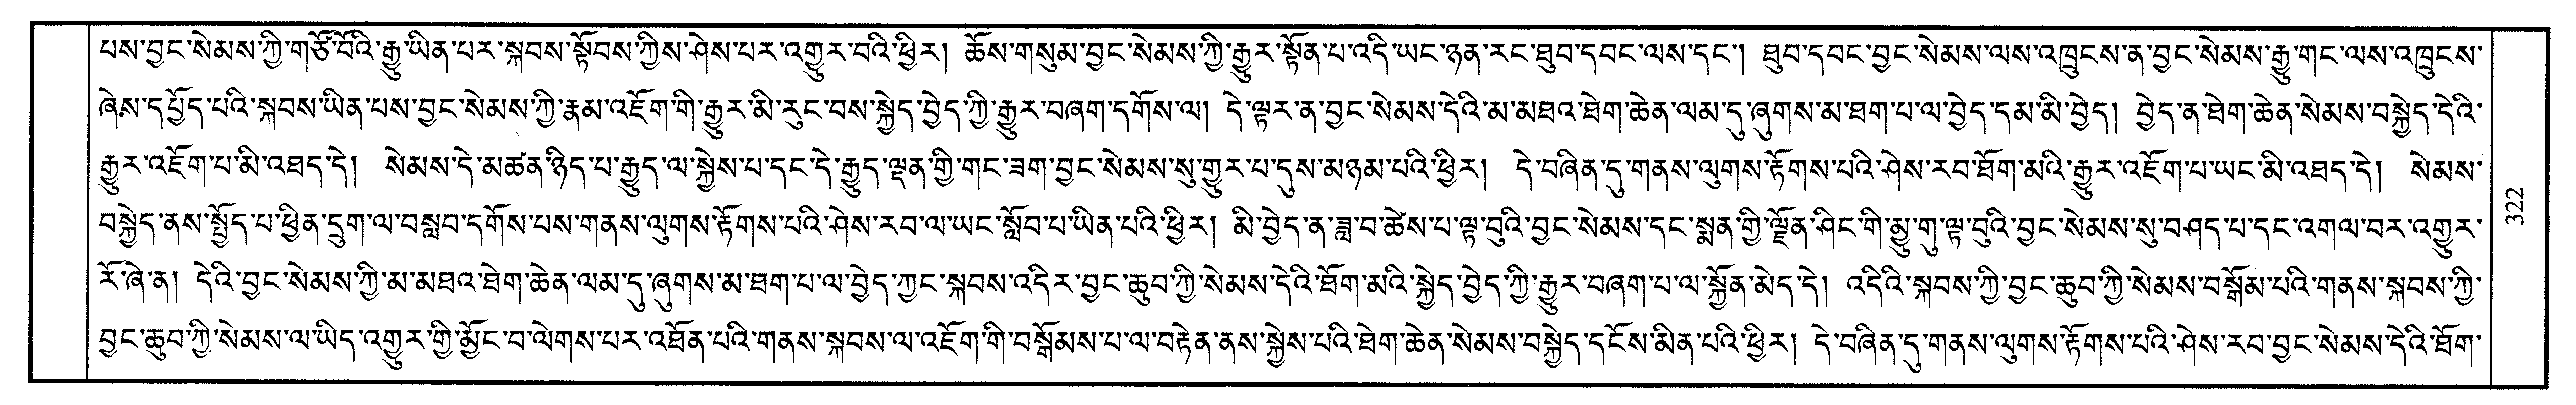པས་བྱང་སེམས་ཀྱི་གཙོ་བོའི་རྒྱུ་ཡིན་པར་སྐབས་སྟོབས་ཀྱིས་ཤེས་པར་འགྱུར་བའི་ཕྱིར། ཆོས་གསུམ་བྱང་སེམས་ཀྱི་རྒྱུར་སྟོན་པ་འདི་ཡང་ཉན་རང་ཐུབ་དབང་ལས་དང་། ཐུབ་དབང་བྱང་སེམས་ལས་འཁྲུངས་ན་བྱང་སེམས་རྒྱུ་གང་ལས་འཁྲུངས་
ཞེས་དཔྱོད་པའི་སྐབས་ཡིན་པས་བྱང་སེམས་ཀྱི་རྣམ་འཇོག་གི་རྒྱུར་མི་རུང་བས་སྐྱེད་བྱེད་ཀྱི་རྒྱུར་བཞག་དགོས་ལ། དེ་ལྟར་ན་བྱང་སེམས་དེའི་མ་མཐའ་ཐེག་ཆེན་ལམ་དུ་ཞུགས་མ་ཐག་པ་ལ་བྱེད་དམ་མི་བྱེད། བྱེད་ན་ཐེག་ཆེན་སེམས་བསྐྱེད་དེའི་
རྒྱུར་འཇོག་པ་མི་འཐད་དེ། སེམས་དེ་མཚན་ཉིད་པ་རྒྱུད་ལ་སྐྱེས་པ་དང་དེ་རྒྱུད་ལྡན་གྱི་གང་ཟག་བྱང་སེམས་སུ་གྱུར་པ་དུས་མཉམ་པའི་ཕྱིར། དེ་བཞིན་དུ་གནས་ལུགས་རྟོགས་པའི་ཤེས་རབ་ཐོག་མའི་རྒྱུར་འཇོག་པ་ཡང་མི་འཐད་དེ། སེམས་
བསྐྱེད་ནས་སྤྱོད་པ་ཕྱིན་དྲུག་ལ་བསླབ་དགོས་པས་གནས་ལུགས་རྟོགས་པའི་ཤེས་རབ་ལ་ཡང་སློབ་པ་ཡིན་པའི་ཕྱིར། མི་བྱེད་ན་ཟླ་བ་ཚེས་པ་ལྟ་བུའི་བྱང་སེམས་དང་སྨན་གྱི་ལྗོན་ཤིང་གི་མྱུ་གུ་ལྟ་བུའི་བྱང་སེམས་སུ་བཤད་པ་དང་འགལ་བར་འགྱུར་
རོ་ཞེ་ན། དེའི་བྱང་སེམས་ཀྱི་མ་མཐའ་ཐེག་ཆེན་ལམ་དུ་ཞུགས་མ་ཐག་པ་ལ་བྱེད་ཀྱང་སྐབས་འདིར་བྱང་ཆུབ་ཀྱི་སེམས་དེའི་ཐོག་མའི་སྐྱེད་བྱེད་ཀྱི་རྒྱུར་བཞག་པ་ལ་སྐྱོན་མེད་དེ། འདིའི་སྐབས་ཀྱི་བྱང་ཆུབ་ཀྱི་སེམས་བསྒོམ་པའི་གནས་སྐབས་ཀྱི་
བྱང་ཆུབ་ཀྱི་སེམས་ལ་ཡིད་འགྱུར་གྱི་མྱོང་བ་ལེགས་པར་འཐོན་པའི་གནས་སྐབས་ལ་འཇོག་གི་བསྒོམས་པ་ལ་བརྟེན་ནས་སྐྱེས་པའི་ཐེག་ཆེན་སེམས་བསྐྱེད་དངོས་མིན་པའི་ཕྱིར། དེ་བཞིན་དུ་གནས་ལུགས་རྟོགས་པའི་ཤེས་རབ་བྱང་སེམས་དེའི་ཐོག་